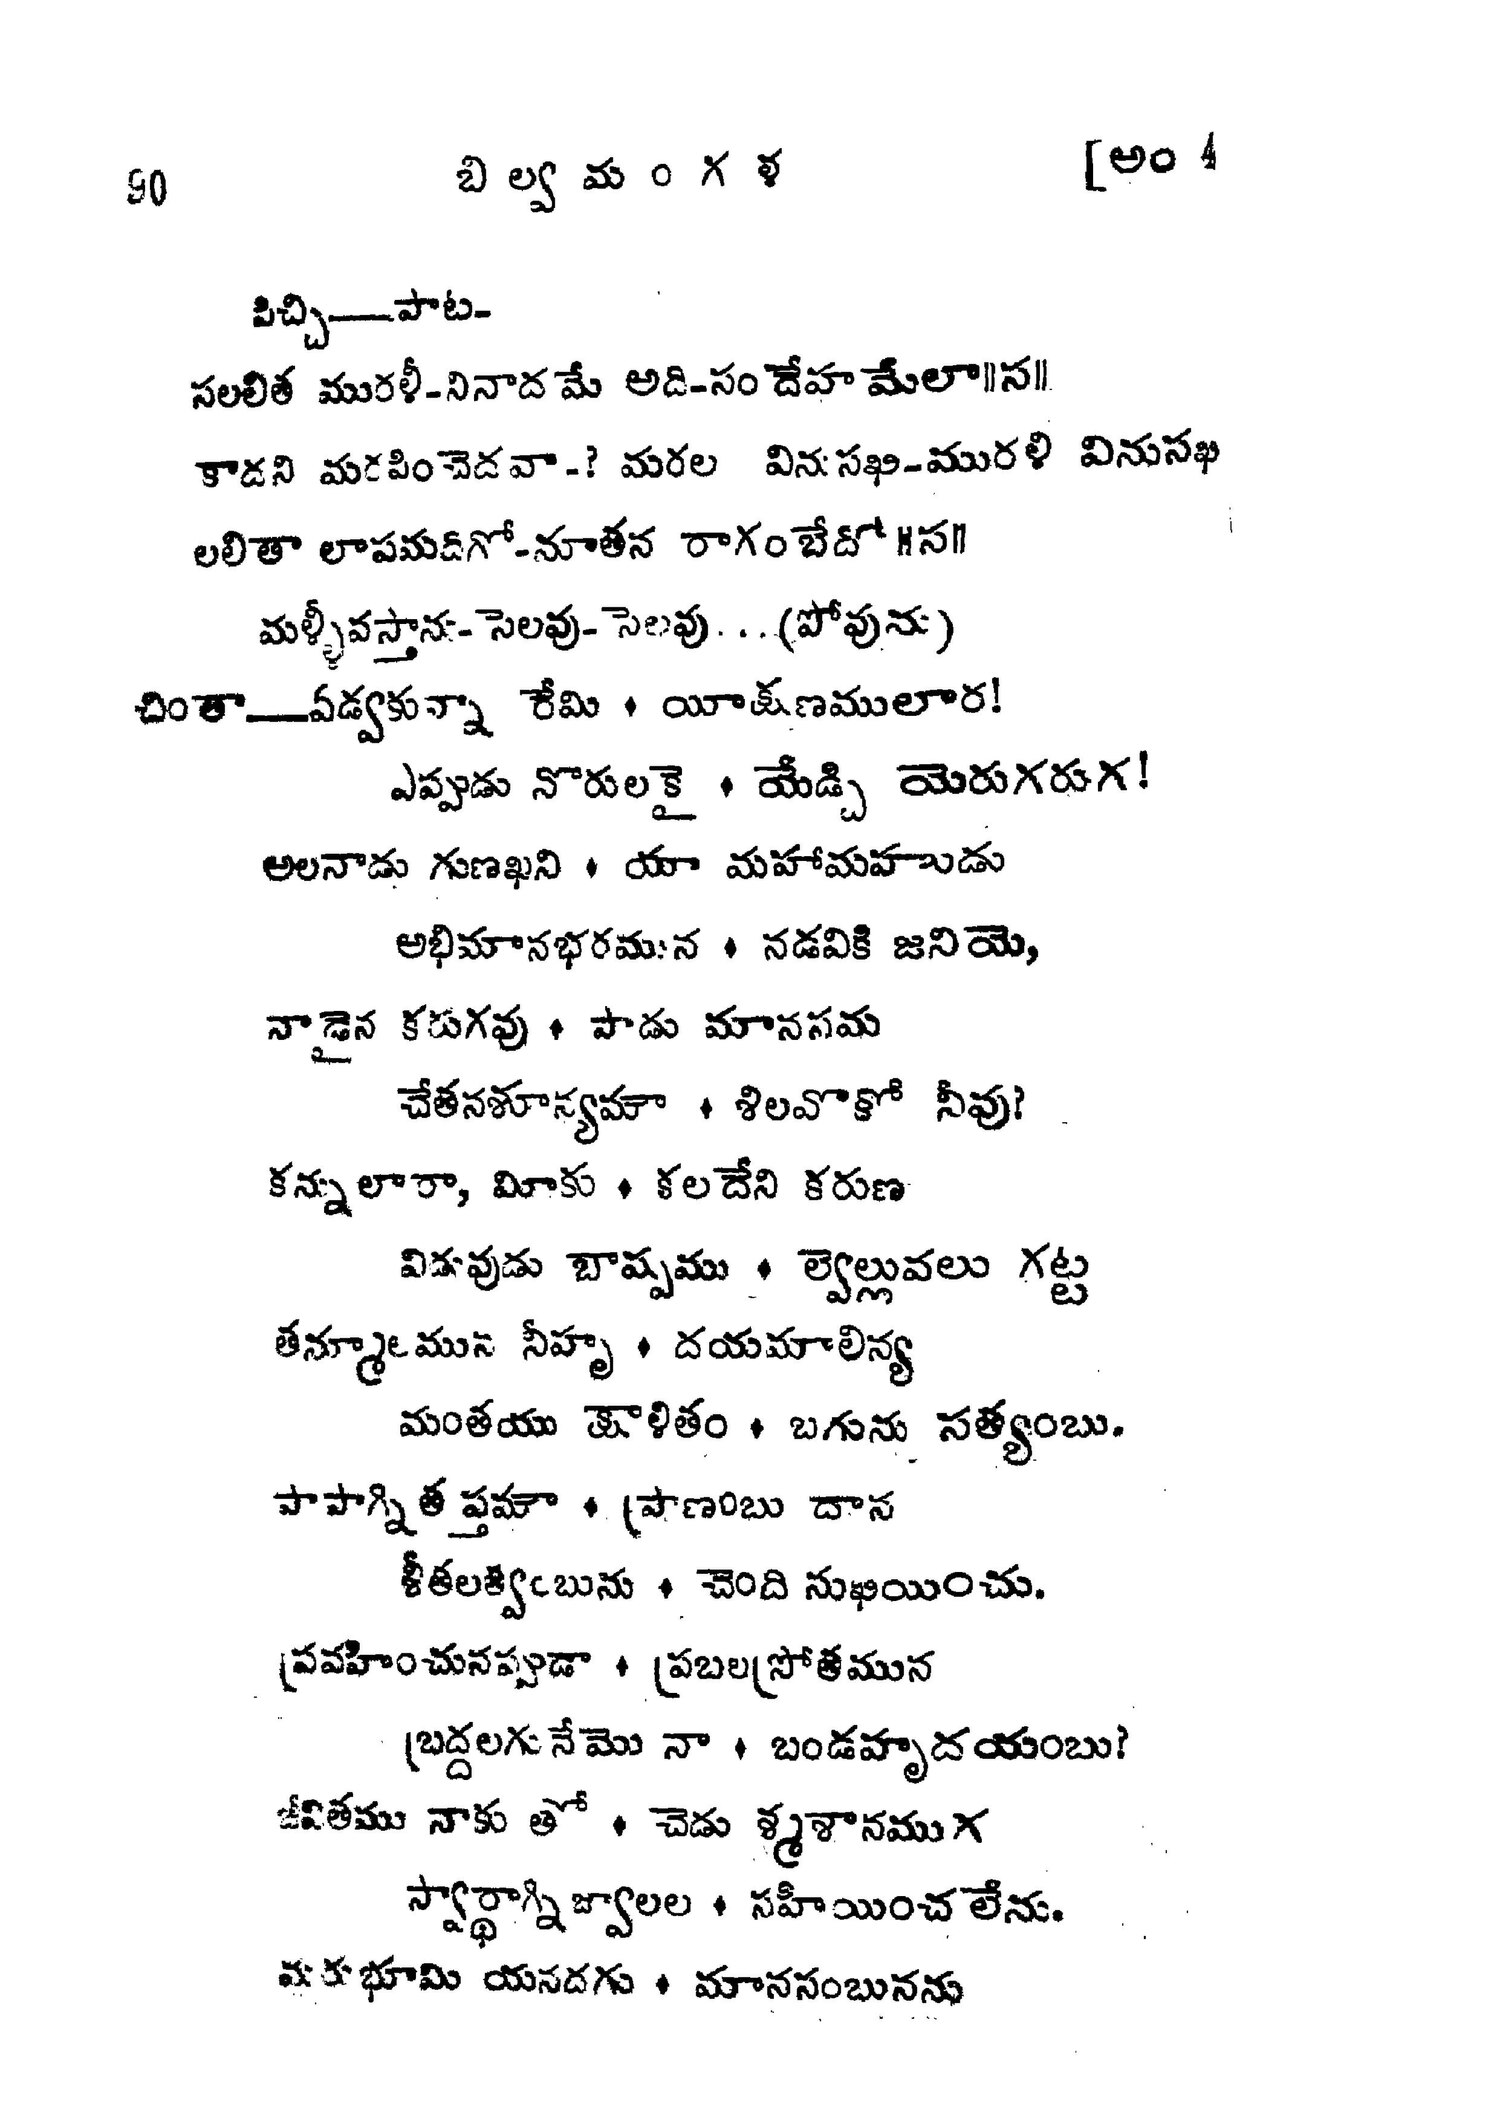పిచ్చి - పాట-

 సలలిత మురళీ - నినాదమే అది - సందేహ మేలా ||స||
 కాదని మరపించెదవా - ? మరల వినుసఖి-మురళి వినుసఖి
 లలితా లాపమదిగో - నూతన రాగంబేదో||స||

 మళ్ళీవస్తాను - సెలవు - సెలవు..(పోవును)

 చింతా - ఏడ్వకున్నా రేమి ♦ యీక్షణములార!
 ఎప్పుడు నొరులకై ♦ యేడ్చి యెరుగరుగ!
 అలనాడు గుణఖని ♦ యా మహామహుడు
 అభిమానభరమున ♦ నడవికి జనియె,
 నాడైన కరుగవు ♦ పాడు మానసమ
 చేతనశూన్యమౌ ♦ శిలవొకో నీవు?
 కన్నులార, మీకు ♦ కలదేని కరుణ
 విడువుడు బాష్పము ♦ ల్వెల్లువలు గట్ట
 తన్మూలమున నీహృ ♦ దయమాలిన్య
 మంతయు క్షాళితం ♦ బగును సత్యంబు.
 పాపాగ్నితప్తమౌ ♦ ప్రాణంబు దాన
 శీతలత్వంబును ♦ చెంది సుఖియించు.
 ప్రవహించునప్పుడా ♦ ప్రబలస్రోతమున
 బద్దలగునేమొ నా ♦ బండహృదయంబు?
 జీవితము నాకు తో ♦ చెడు శ్మశానముగ
 స్వార్థాగ్నిజ్వాలల - సహియించలేను.
 మరుభూమి యనదగు ♦ మానసంబునను